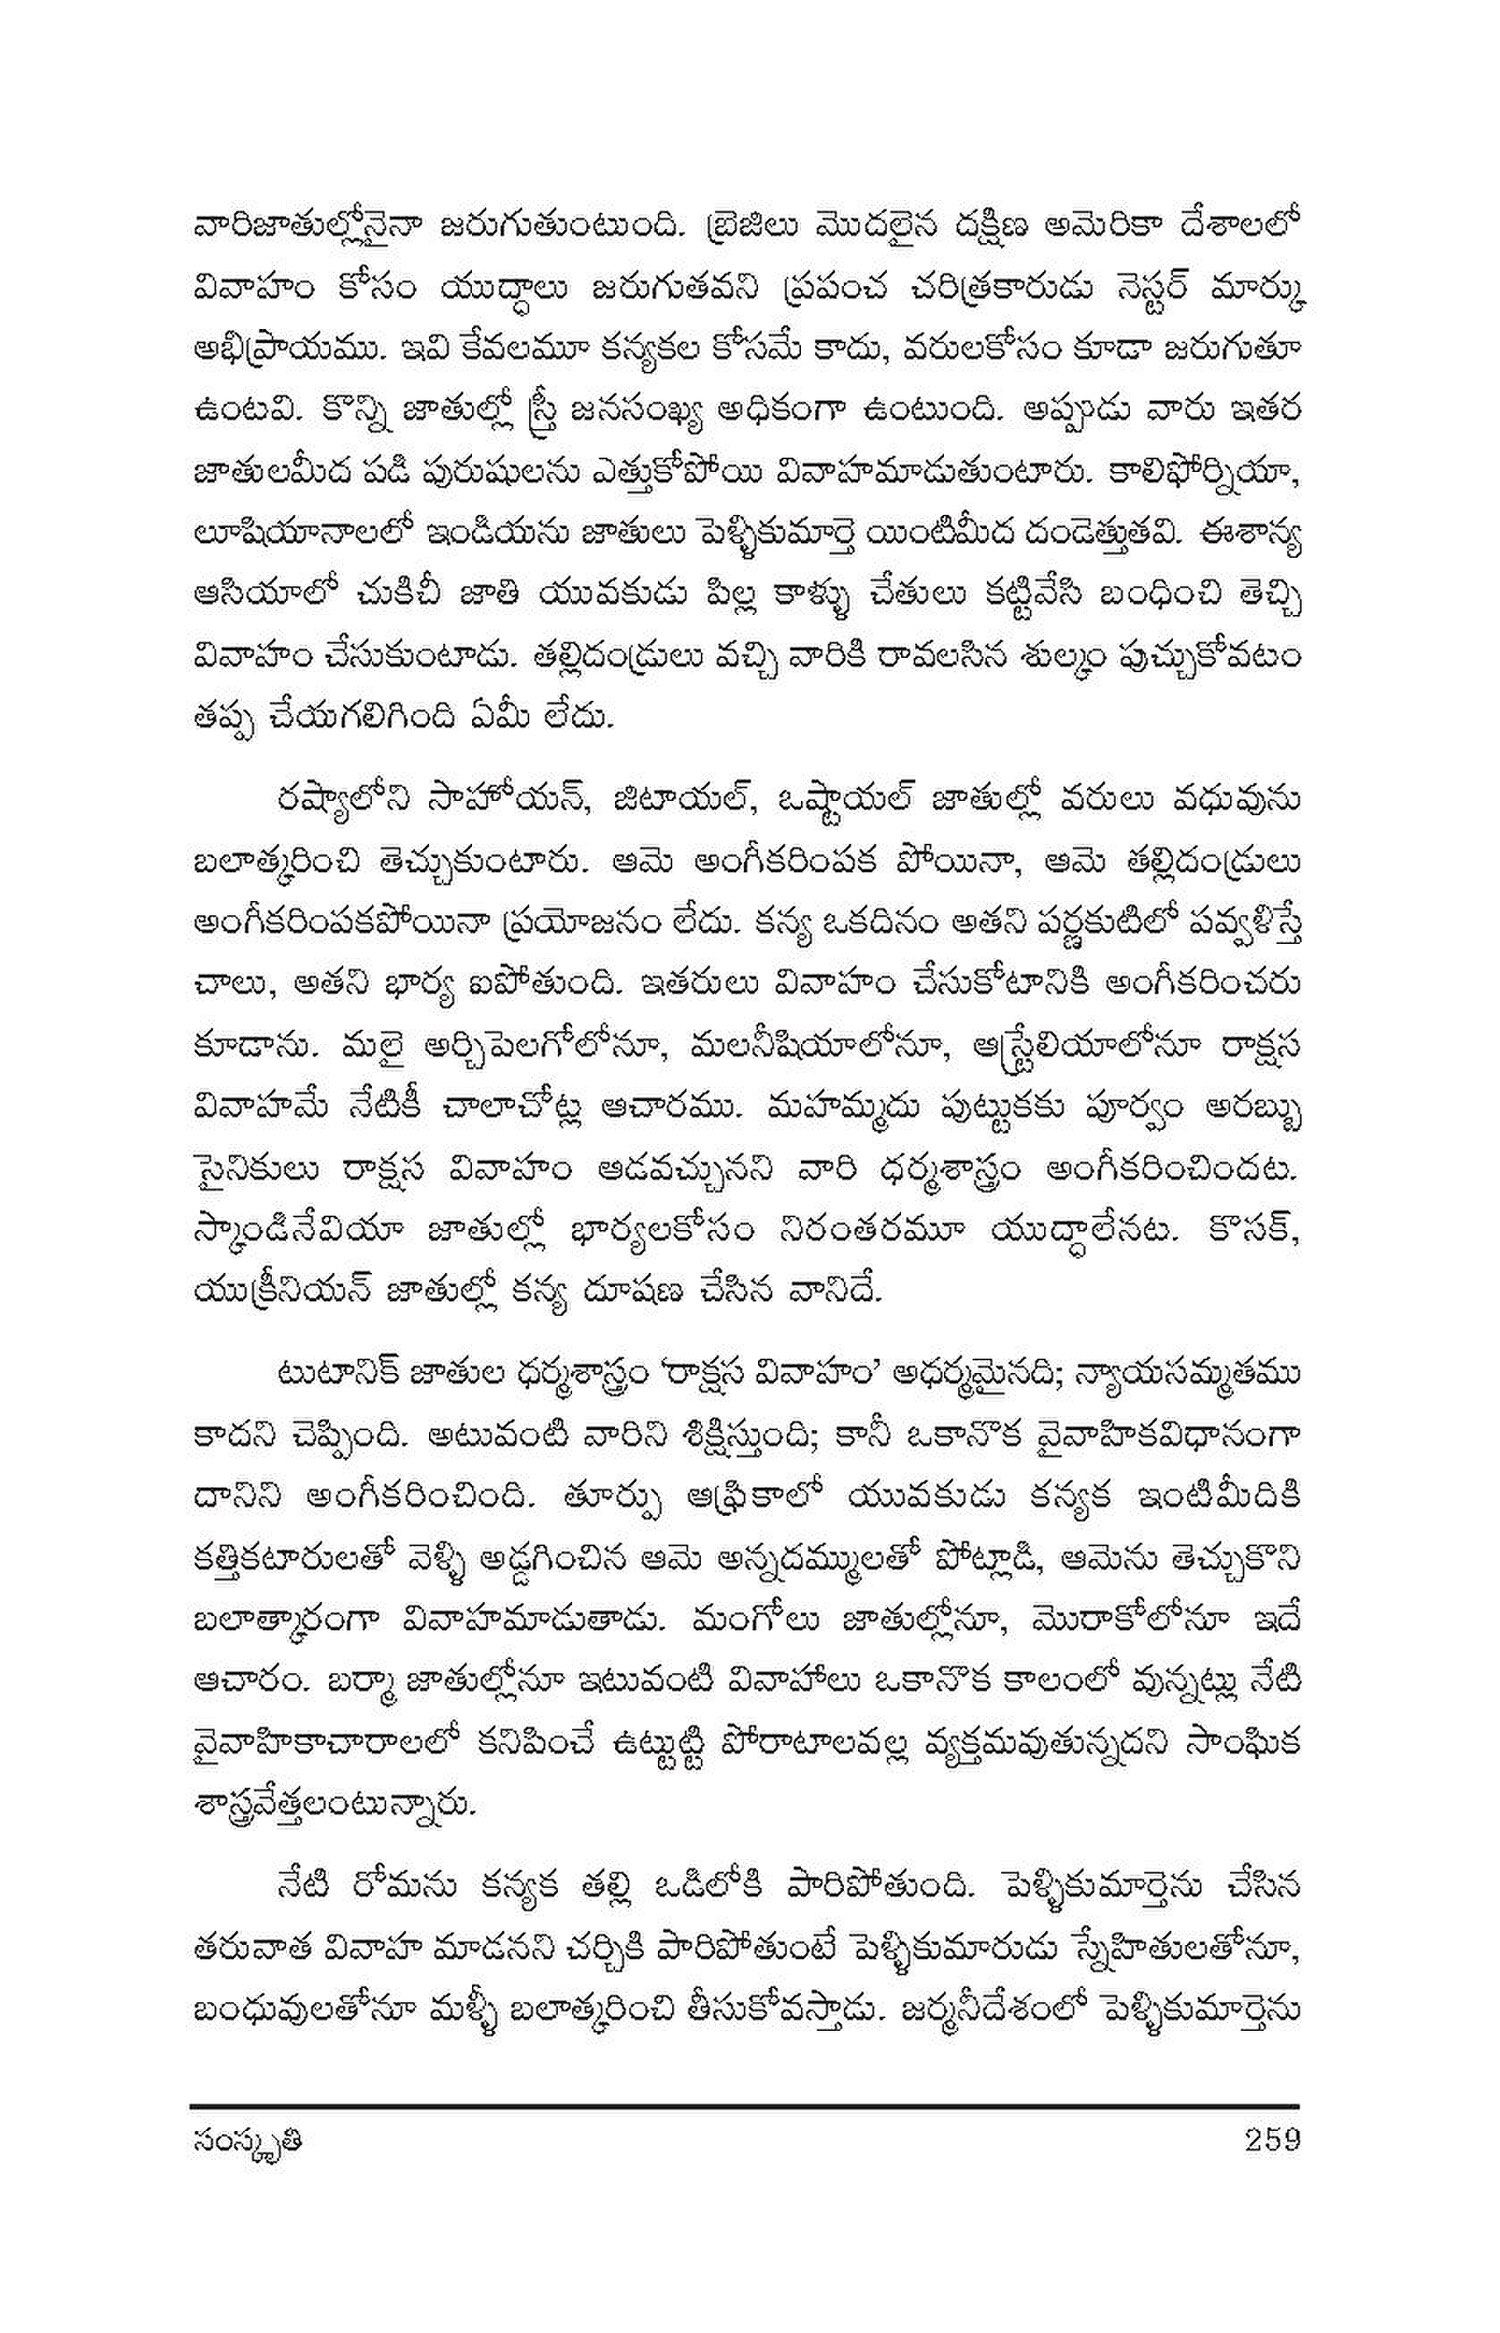వారిజాతుల్లోనైనా జరుగుతుంటుంది. బ్రెజిలు మొదలైన దక్షిణ అమెరికా దేశాలలో
వివాహం కోసం యుద్ధాలు జరుగుతవని ప్రపంచ చరిత్రకారుడు నెస్టర్ మార్కు
అభిప్రాయము. ఇవి కేవలమూ కన్యకల కోసమే కాదు, వరులకోసం కూడా జరుగుతూ
ఉంటవి. కొన్ని జాతుల్లో స్త్రీ జనసంఖ్య అధికంగా ఉంటుంది. అప్పుడు వారు ఇతర
జాతులమీద పడి పురుషులను ఎత్తుకోపోయి వివాహమాడుతుంటారు. కాలిఫోర్నియా,
లూషియానాలలో ఇండియను జాతులు పెళ్ళికుమార్తె యింటిమీద దండెత్తుతవి. ఈశాన్య
ఆసియాలో చుకిచీ జాతి యువకుడు పిల్ల కాళ్ళు చేతులు కట్టివేసి బంధించి తెచ్చి
వివాహం చేసుకుంటాడు. తల్లిదండ్రులు వచ్చి వారికి రావలసిన శుల్కం పుచ్చుకోవటం
తప్ప చేయగలిగింది ఏమీ లేదు.

రష్యాలోని సాహోయన్, జిటాయల్, ఒష్టాయల్ జాతుల్లో వరులు వధువును
బలాత్కరించి తెచ్చుకుంటారు. ఆమె అంగీకరింపక పోయినా, ఆమె తల్లిదండ్రులు
అంగీకరింపకపోయినా ప్రయోజనం లేదు. కన్య ఒకదినం అతని పర్ణకుటిలో పవ్వళిస్తే
చాలు, అతని భార్య ఐపోతుంది. ఇతరులు వివాహం చేసుకోటానికి అంగీకరించరు
కూడాను. మలై అర్చిపెలగోలోనూ, మలనీషియాలోనూ, ఆస్ట్రేలియాలోనూ రాక్షస
వివాహమే నేటికీ చాలాచోట్ల ఆచారము. మహమ్మదు పుట్టుకకు పూర్వం అరబ్బు
సైనికులు రాక్షస వివాహం అడవచ్చునని వారి ధర్మశాస్త్రం అంగీకరించిందట.
స్కాండినేవియా జాతుల్లో భార్యలకోసం నిరంతరమూ యుద్ధాలేనట. కొసక్,
యుక్రీనియన్ జాతుల్లో కన్య దూషణ చేసిన వానిదే.

టుటానిక్ జాతుల ధర్మశాస్త్రం 'రాక్షస వివాహం' అధర్మమైనది; న్యాయసమ్మతము
కాదని చెప్పింది. అటువంటి వారిని శిక్షిస్తుంది; కానీ ఒకానొక వైవాహికవిధానంగా
దానిని అంగీకరించింది. తూర్పు ఆఫ్రికాలో యువకుడు కన్యక ఇంటిమీదికి
కత్తికటారులతో వెళ్ళి అడ్డగించిన ఆమె అన్నదమ్ములతో పోట్లాడి, ఆమెను తెచ్చుకొని
బలాత్కారంగా వివాహమాడుతాడు. మంగోలు జాతుల్లోనూ, మొరాకోలోనూ ఇదే
ఆచారం. బర్మా జాతుల్లోనూ ఇటువంటి వివాహాలు ఒకానొక కాలంలో వున్నట్లు నేటి
వైవాహికాచారాలలో కనిపించే ఉట్టుట్టి పోరాటాలవల్ల వ్యక్తమవుతున్నదని సాంఘిక
శాస్త్రవేత్తలంటున్నారు.

నేటి రోమను కన్యక తల్లి ఒడిలోకి పారిపోతుంది. పెళ్ళికుమార్తెను చేసిన
తరువాత వివాహ మాడనని చర్చికి పారిపోతుంటే పెళ్ళికుమారుడు స్నేహితులతోనూ,
బంధువులతోనూ మళ్ళీ బలాత్కరించి తీసుకోవస్తాడు. జర్మనీదేశంలో పెళ్ళికుమార్తెను